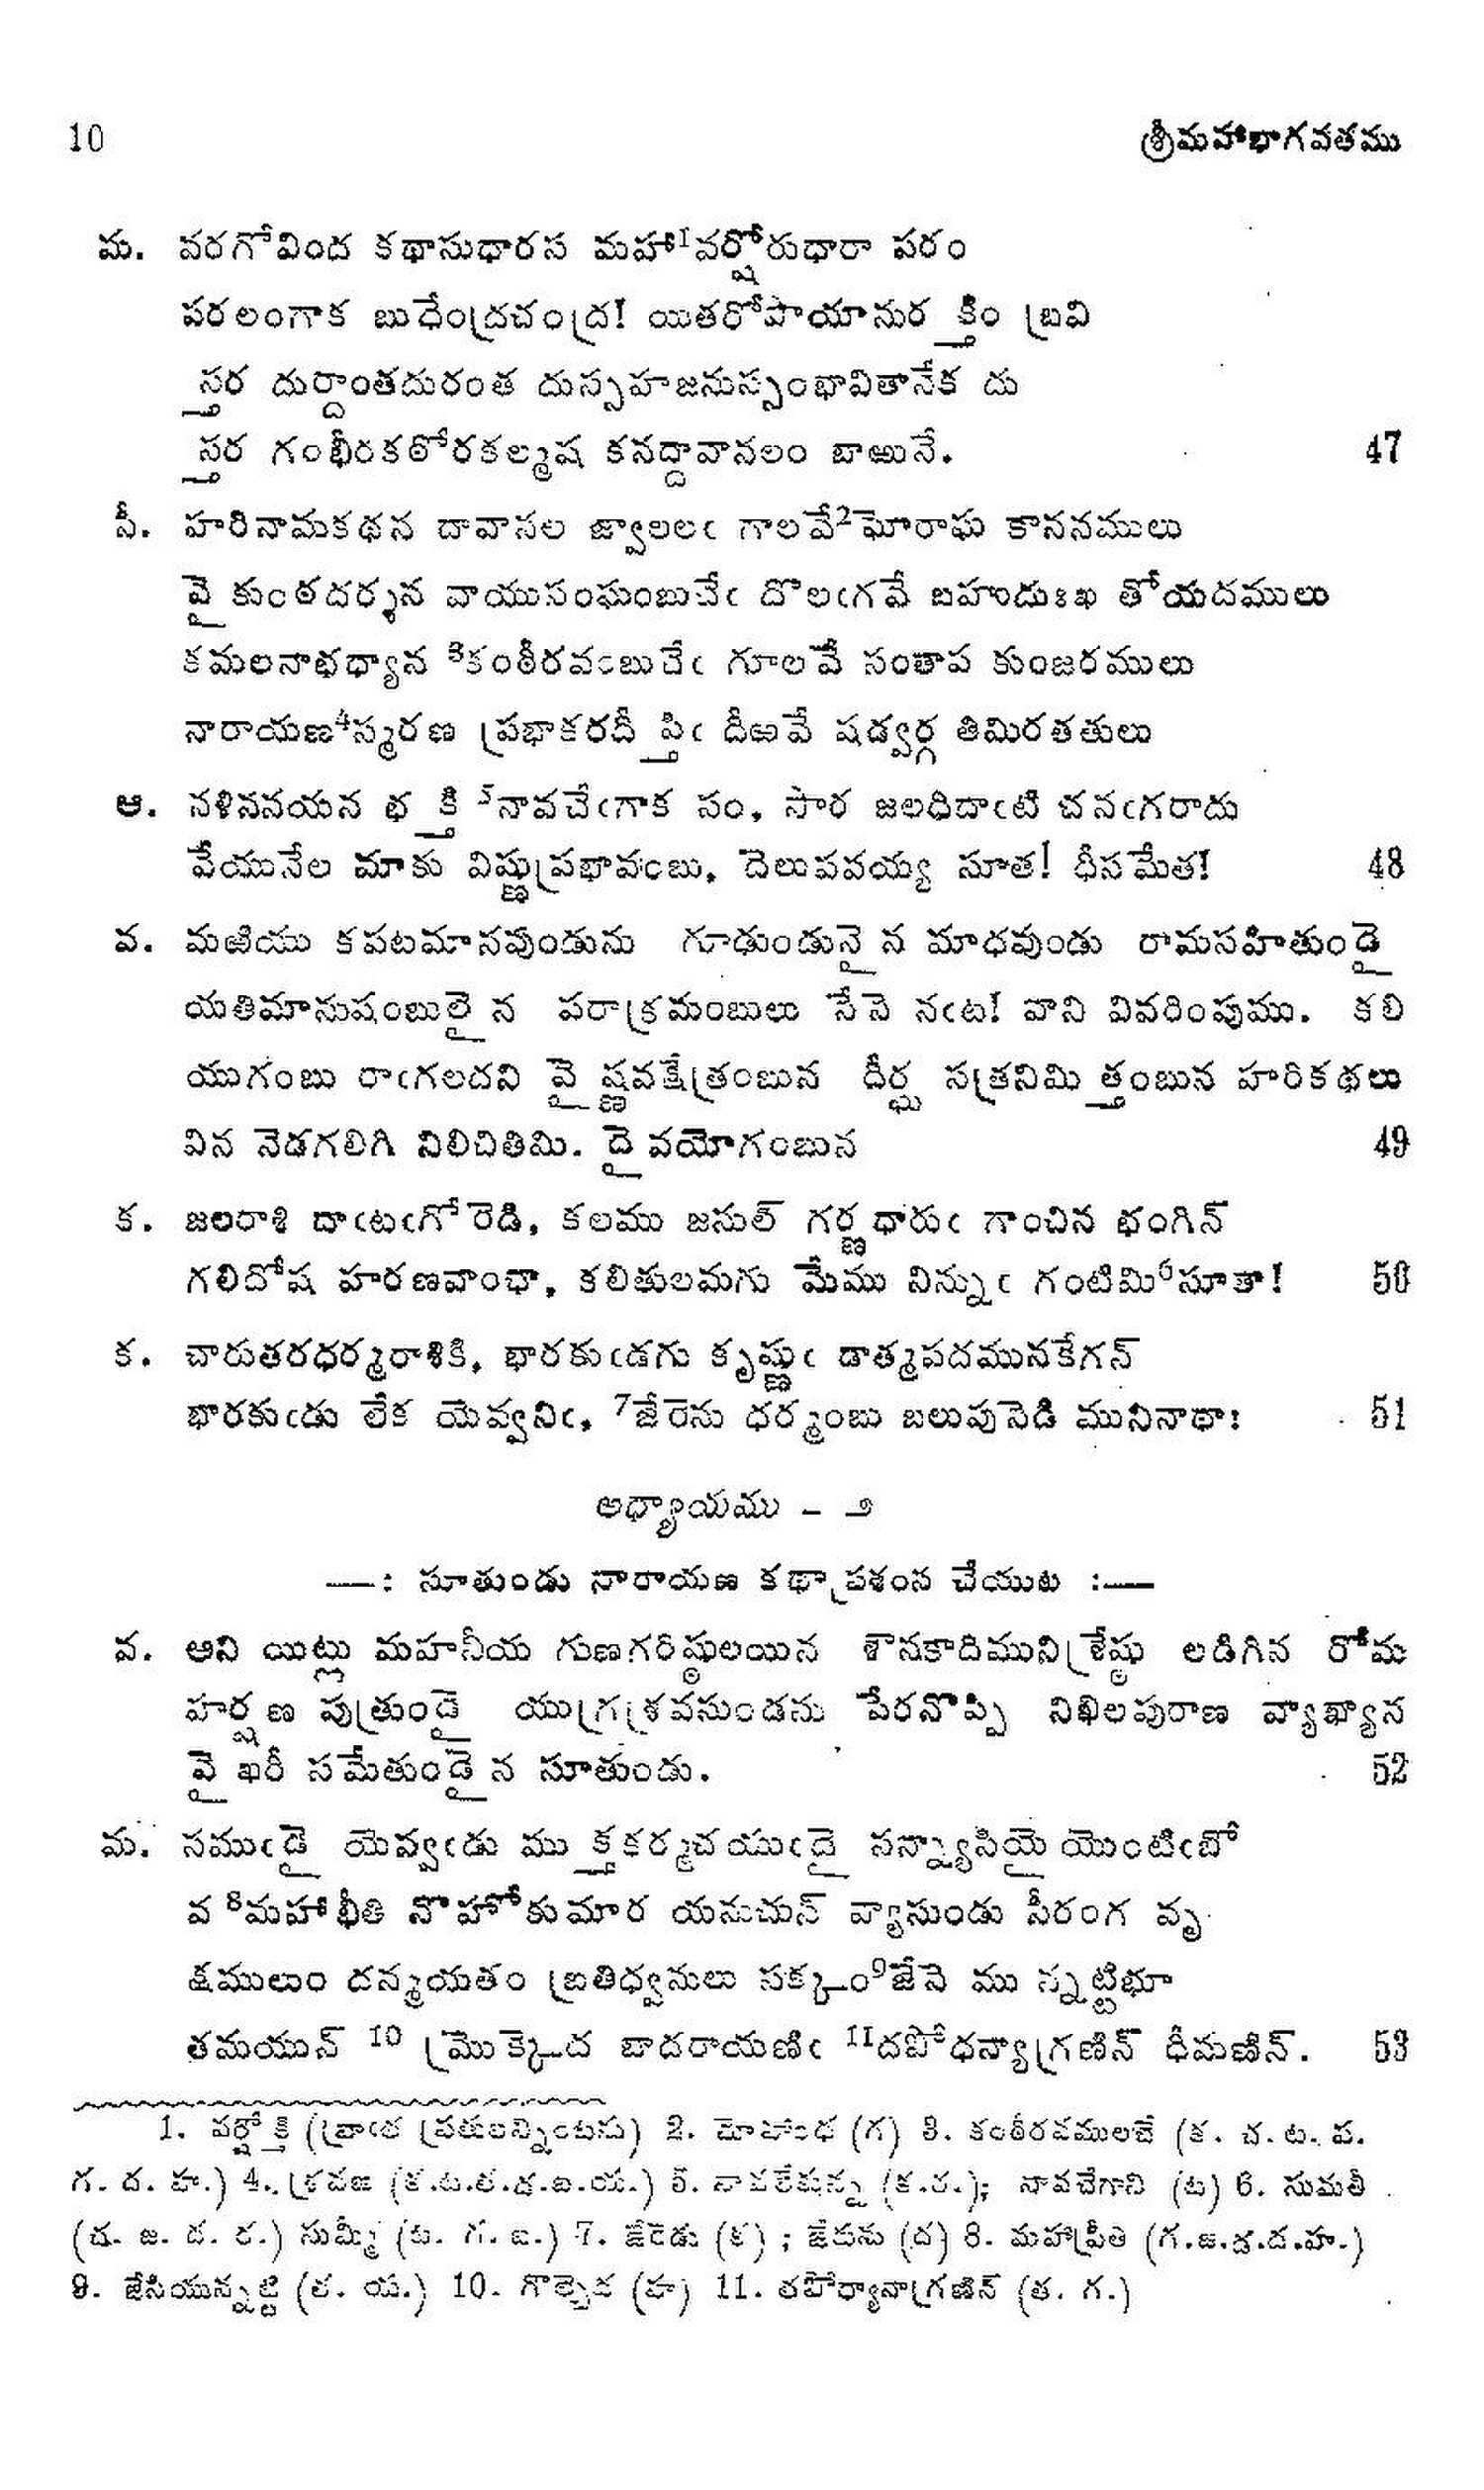10

మ. వరగోవింద కథా సుధారస మహా వర్షోరు ధారా పరం

పరలం గాక బుధేంద్ర చంద్ర ! యితరోపాయానురక్తిం బ్రవి

స్తర దుర్దాంత దురంత సుస్సహ జనుస్సంభావితానేక దు

స్తర గంభీర కఠోర కల్మష కనద్దావానలం బాఱునే ? (1-47)

సీ. హరినామ కథన దావానల జ్వాలలఁ , గాలవే ఘోరాఘ కాననములు 

వైకుంఠ దర్శన వాయు సంఘంబుచేఁ , దొలఁగవే బహుదు:ఖ తోయదములు

కమలనాభ ధ్యాన కంఠీరవంబుచేఁ , గూలవే సంతాప కుంజరములు
 
నారాయణ స్మరణ ప్రభాకర దీప్తిచేఁ , దీఱవే షడ్వర్గ తిమిర తతులు

ఆ.వె. నళిన నయన భక్తి నావచేఁ గాక సం, సార జలధి దాఁటి చనఁగరాదు

వేయు నేల మాకు విష్ణు ప్రభావంబుఁ , దెలుపవయ్య సూత ! ధీ సమేత ! (1-48)

వ. మఱియుఁ గపట మానవుండును గూఢుండు నైన మాధవుండు రామసహితుండై యతిమానుషంబులైన పరాక్రమంబులు సేసె నఁట. వాని వివరింపుము.
కలియుగంబు రాఁగలదని వైష్ణవ క్షేత్రంబున దీర్ఘ సత్ర నిమిత్తంబున హరికథలు విన నెడ గలిగి నిలిచితిమి. దైవయోగంబున,(1-49)

కం. జలరాశి దాఁటఁగోరెడి, కలము జనుల్ కర్ణధారుఁ గాంచిన భంగిన్

గలిదోష హరణ వాంఛా, కలితులమగు మేము నిన్నుఁ గంటిమి సూతా !1-50)

కం. చారుతర ధర్మరాశికి, భారకుఁడగు కృష్ణుఁ డాత్మపదమున కేఁగన్

ధారకుఁడు లేక యెవ్వనిఁ , జేరెను ధర్మంబు బలుపు సెడి మునినాథా ! (1-51)

వ. అని యిట్లు మహనీయ గుణ గరిష్ఠులయిన శౌనకాది మునిశ్రేష్ఠులడిగిన రోమహర్షణ పుత్త్రుండై యుగ్రశ్రవసుండను పేర నొప్పి నిఖిల పురాణ వ్యాఖ్యాన వైఖరీ సమేతుండైన సూతుండు, (1-52)

మ. సముఁడై యెవ్వఁడు ముక్త కర్మ చయుఁడై సన్న్యాసియై యొంటిఁ బో

వ మహాభీతి నొహో ! కుమార ! యనుచున్ వ్యాసుండు సీరంగ వృ

క్షములుం దన్మయతం బ్రతిధ్వనులు సక్కం జేసె మున్నట్టి భూ

త మయున్ మ్రొక్కెద బాదరాయణిఁ, దపో ధన్యాగ్రణిన్ ధీమణిన్. (1-53)